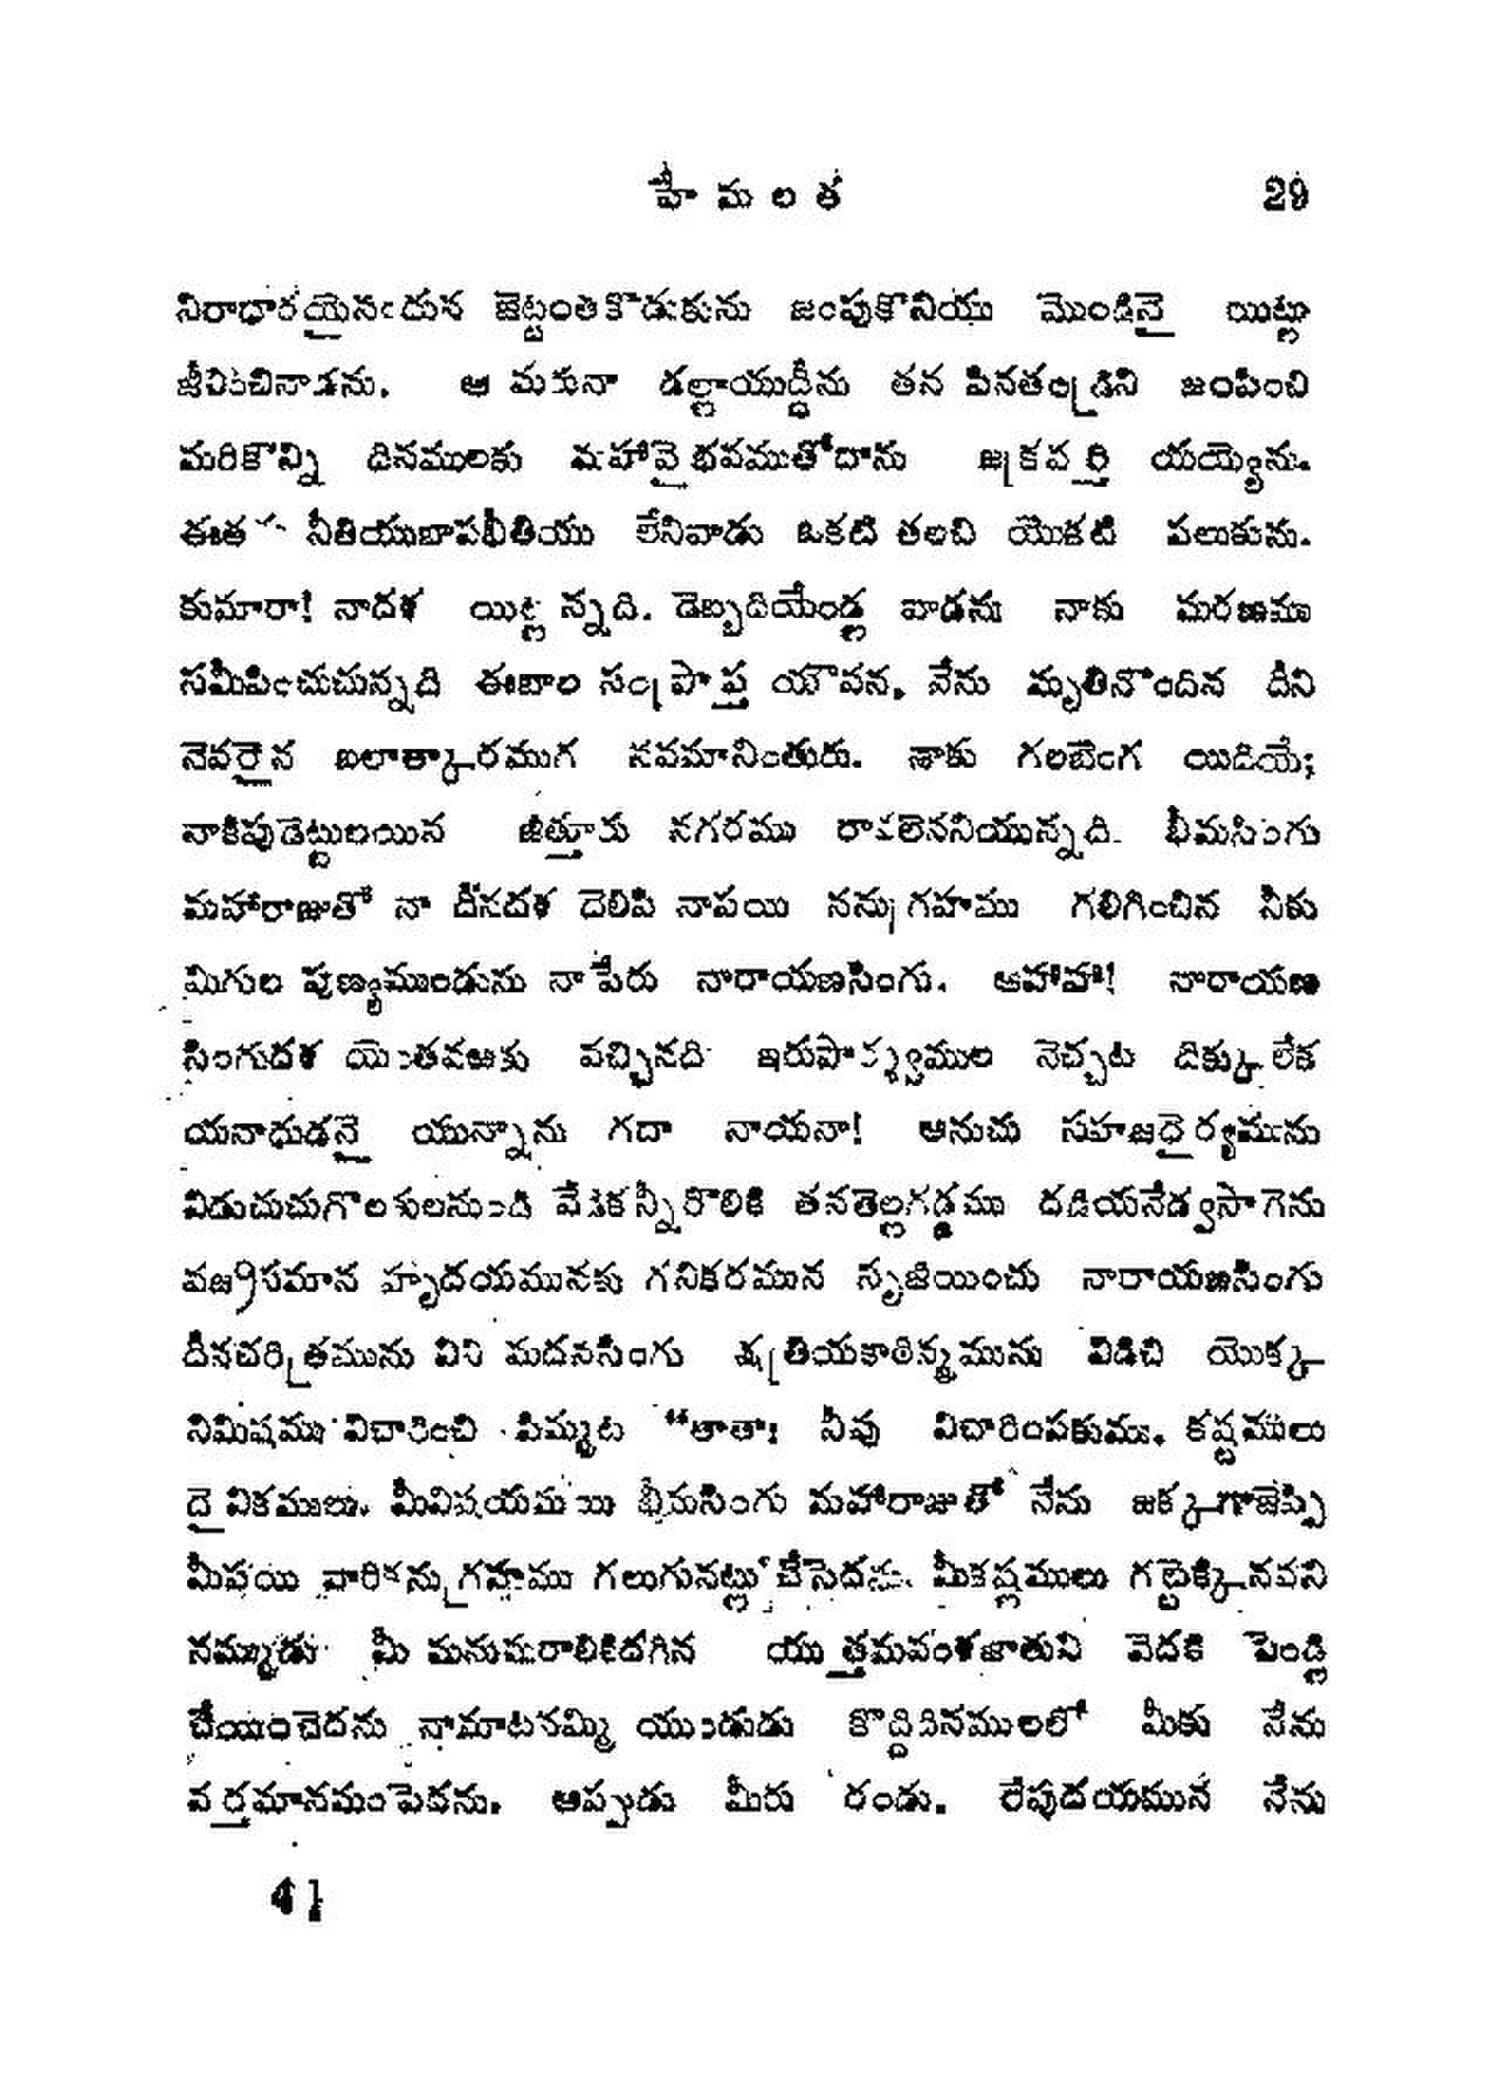నిరాధారయైనందున జెట్టంతకొడుకును జంపుకొనియు మొండినై యిట్లు జీవించినాడను. ఆ మరునా డల్లాయుద్దీను తన పినతండ్రిని జంపించి మరికొన్ని దినములకు మహావైభవముతో దాను జక్రవర్తి యయ్యెను. ఈతడు నీతియుబాపభీతియు లేనివాడు. ఒకటి తలచి యొకటి పలుకును. కుమారా! నాదశ యిట్లున్నది. డెబ్బదియేండ్ల వాడను. నాకు మరణము సమీపించుచున్నది. ఈబాల సంప్రాప్త యౌవన. నేను మృతినొందిన దీని నెవరైన బలాత్కారముగ నవమానింతురు. నాకు గలబెంగ యిదియే; నాకిపుడెట్టులయిన జిత్తూరు నగరము రావలెననియున్నది. భీమసింగు మహారాజుతో నా దీనదశ దెలిపి నాపయి ననుగ్రహము గలిగించిన నీకు మిగుల పుణ్యముండును. నా పేరు నారాయణసింగు, ఆహాహా! నారాయణ సింగుదశ యెంతవఱకు వచ్చినది. ఇరుపార్శ్వముల నెచ్చట దిక్కులేక యనాధుడనై యున్నాను గదా నాయనా! అనుచు సహజధైర్యమును విడుచుచుగొలకులనుండి వేడికన్నీరొలికి తన తెల్లగడ్డము దడియనేడ్వసాగెను. వజ్ర సమాన హృదయమునకు గనికరమున సృజియించు నారాయణసింగు దీనచరిత్రమును విని మదనసింగు క్షత్రియకాఠిన్యమును విడిచి యొక్క నిమిషము విచారించి , పిమ్మట “తాతా! నీవు విచారింపకుము. కష్టములు దైవికములు. మీ విషయము భీమసింగు మహారాజుతో నేను జక్కగాజెప్పి మీపయి వారికనుగ్రహము గలుగునట్లు చేసెదను. మీకష్టములు గట్టెక్కినవని నమ్ముడు. మీ మనుమరాలికిదగిన యుత్తమవంశజాతుని వెదకి పెండ్లి చేయించెదను. నామాటనమ్మి యుండుడు. కొద్ది దినములలో మీకు నేను వర్తమానమంపెదను. అప్పుడు మీరు రండు. రేపుదయమున నేను